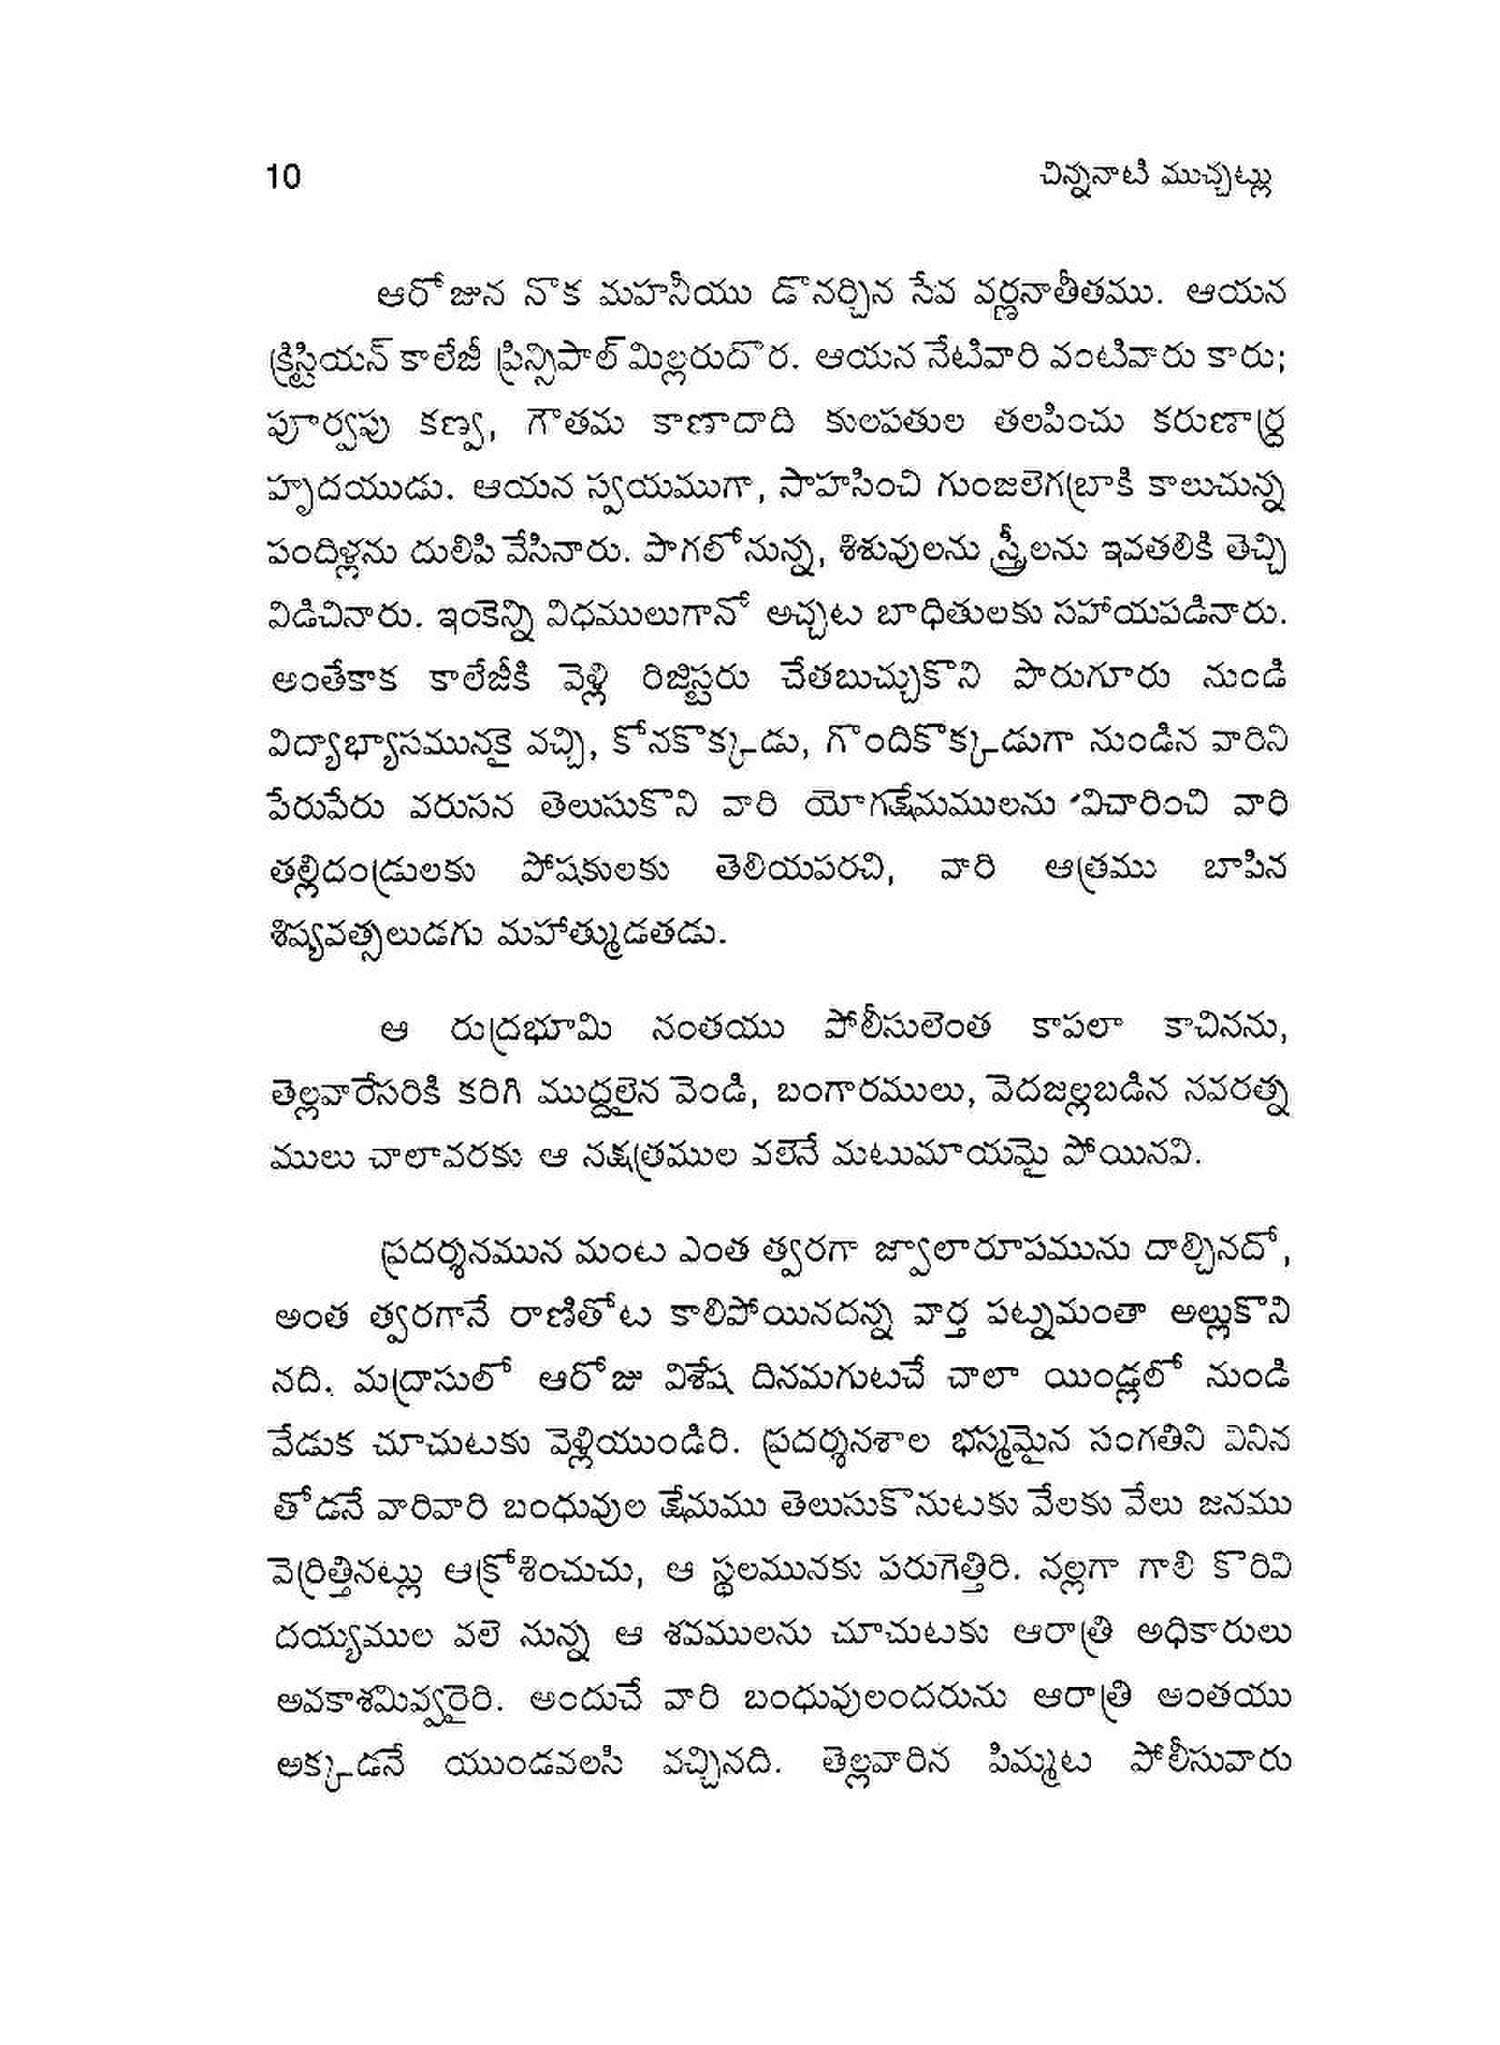ఆరోజున నొక మహనీయు డొనర్చిన సేవ వర్ణనాతీతము. ఆయన క్రిస్టియన్ కాలేజీ ప్రిన్సిపాల్ మిల్లరుదొర. ఆయన నేటివారి వంటివారు కారు; పూర్వపు కణ్వ, గౌతమ కాణాదాది కులపతుల తలపించు కరుణార్ధ్ర హృదయుడు. ఆయన స్వయముగా, సాహసించి గుంజలెగబ్రాకి కాలుచున్న పందిళ్లను దులిపివేసినారు. పొగలోనున్న, శిశువులను స్త్రీలను ఇవతలికి తెచ్చి విడిచినారు. ఇంకెన్ని విధములుగానో అచ్చట బాధితులకు సహాయపడినారు. అంతేకాక కాలేజీకి వెళ్లి రిజిస్టరు చేతబుచ్చుకొని పొరుగూరు నుండి విద్యాభ్యాసమునకై వచ్చి, కోనకొక్కడు, గొందికొక్కడుగా నుండిన వారిని పేరుపేరు వరుసన తెలుసుకొని వారి యోగక్షేమములను విచారించి వారి తల్లిదండ్రులకు పోషకులకు తెలియపరచి, వారి ఆత్రము బాపిన శిష్యవత్సలుడగు మహాత్ముడతడు.

ఆ రుద్రభూమి నంతయు పోలీసులెంత కాపలా కాచినను, తెల్లవారేసరికి కరిగి ముద్దలైన వెండి, బంగారములు, వెదజల్లబడిన నవరత్నములు చాలావరకు ఆ నక్షత్రముల వలెనే మటుమాయమై పోయినవి.

ప్రదర్శనమున మంట ఎంత త్వరగా జ్వాలారూపమును దాల్చినదో, అంత త్వరగానే రాణితోట కాలిపోయినదన్న వార్త పట్నమంతా అల్లుకొనినది. మద్రాసులో ఆరోజు విశేష దినమగుటచే చాలా యిండ్లలో నుండి వేడుక చూచుటకు వెళ్లియుండిరి. ప్రదర్శనశాల భస్మమైన సంగతిని వినిన తోడనే వారివారి బంధువుల క్షేమము తెలుసుకొనుటకు వేలకు వేలు జనము వెర్రిత్తినట్టు ఆక్రోశించుచు, ఆ స్థలమునకు పరుగెత్తిరి. నల్లగా గాలి కొరివి దయ్యముల వలె నున్న ఆ శవములను చూచుటకు ఆరాత్రి అధికారులు అవకాశమివ్వరైరి. అందుచే వారి బంధువులందరును ఆరాత్రి అంతయు అక్కడనే యుండవలసి వచ్చినది. తెల్లవారిన పిమ్మట పోలీసువారు